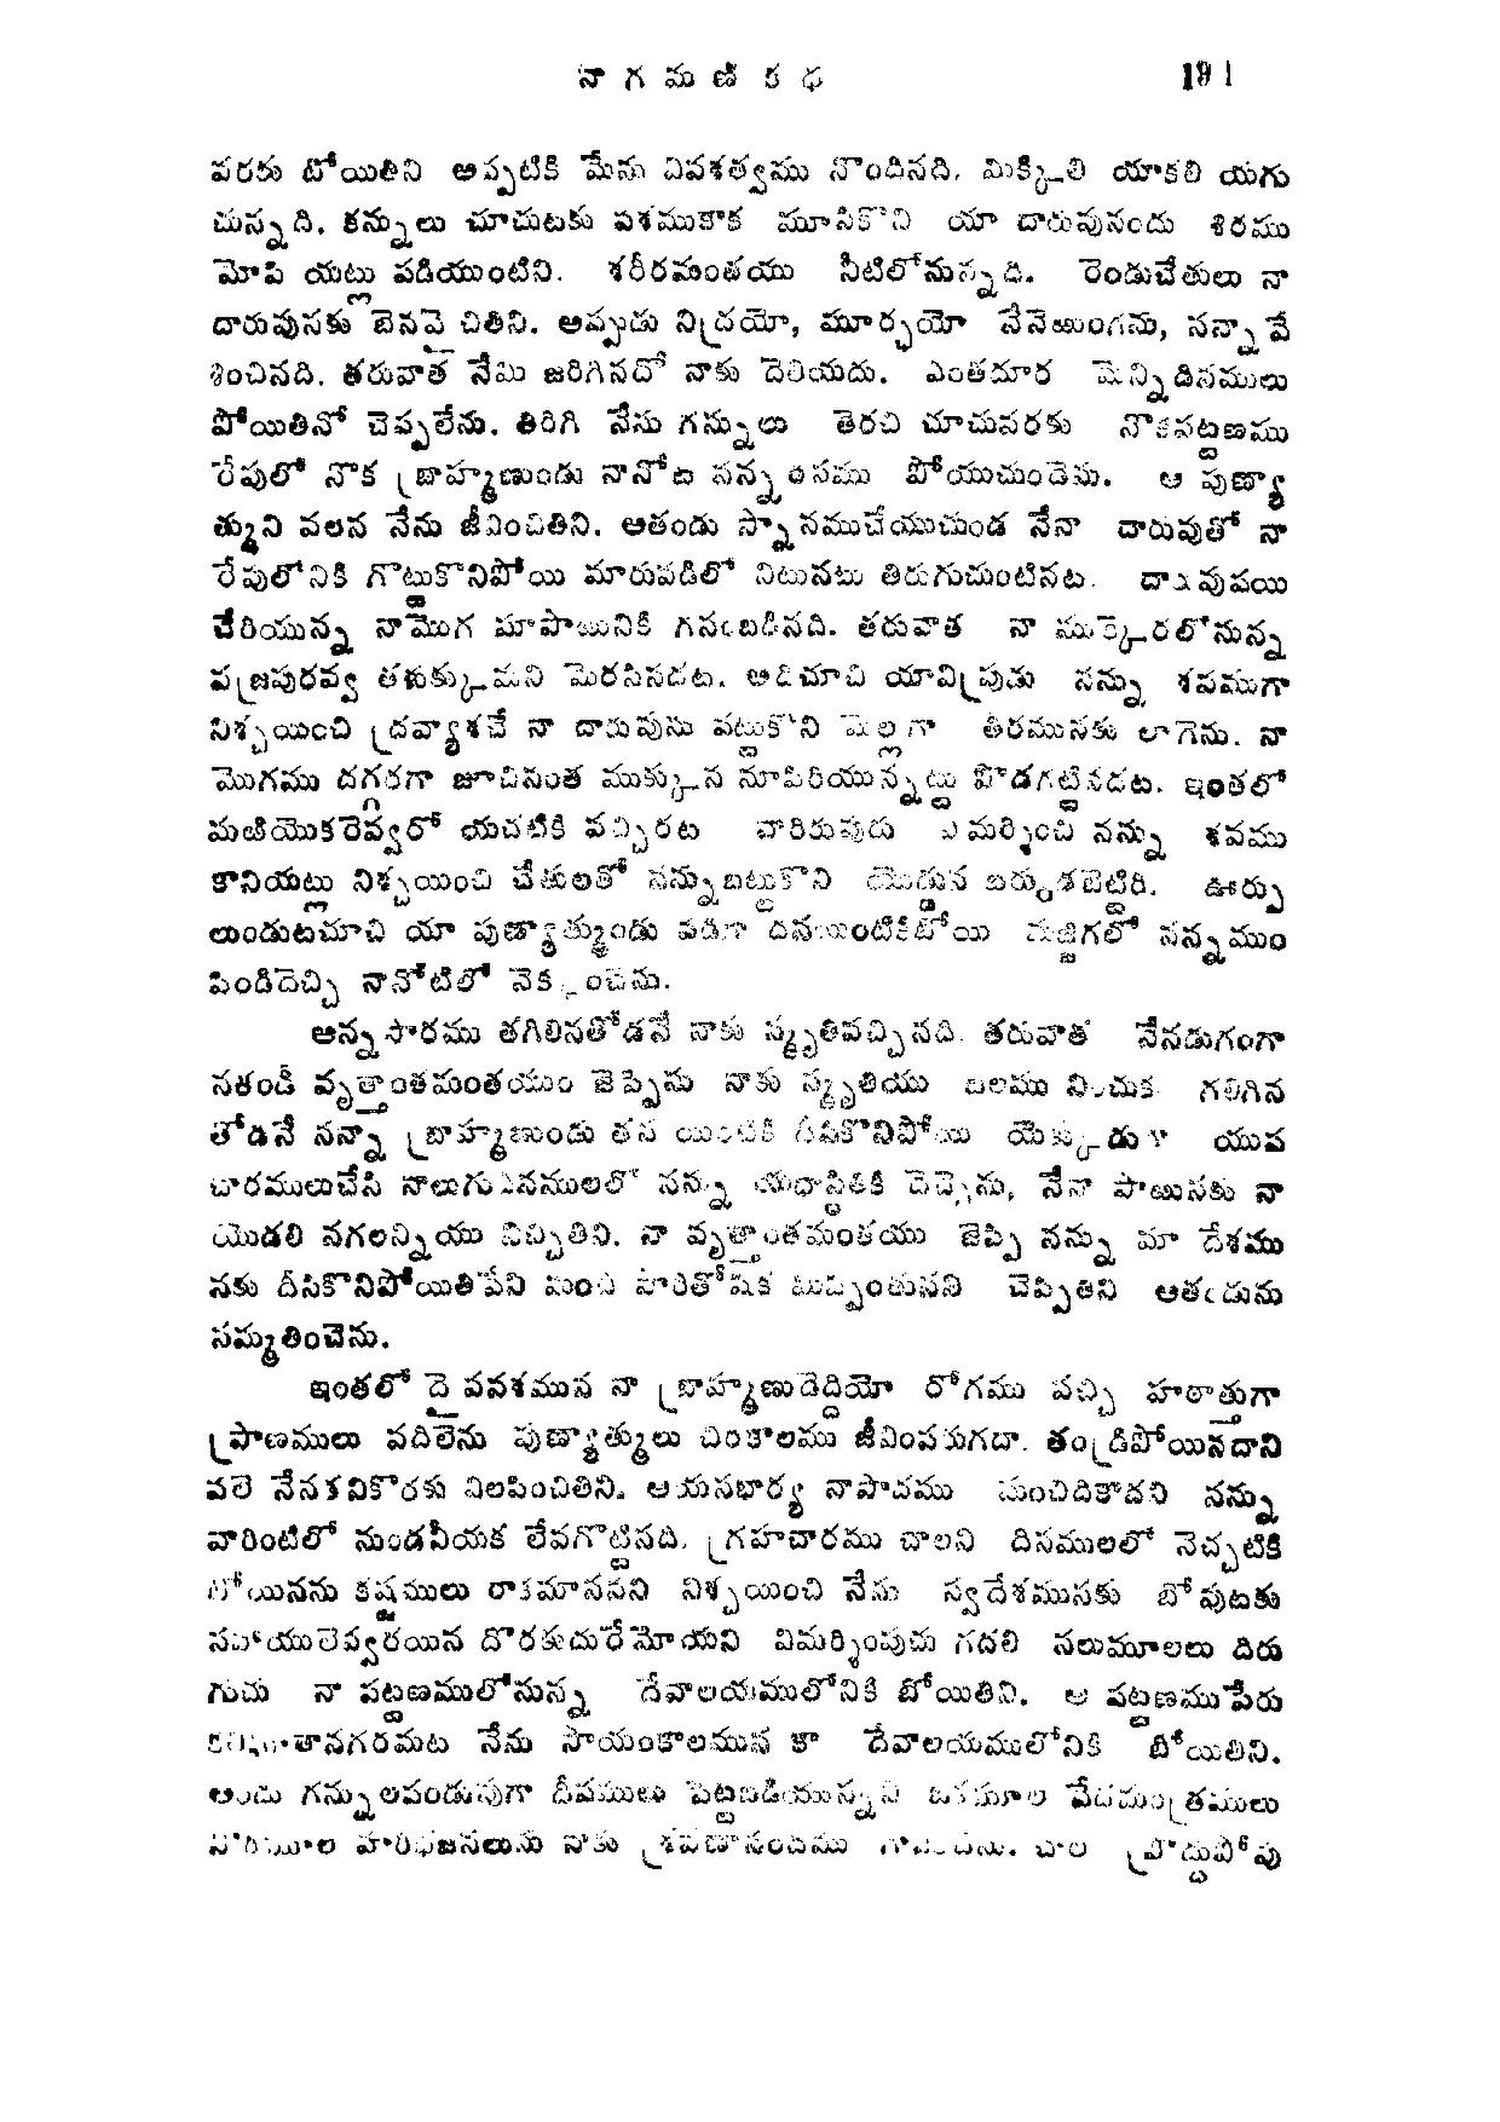వరకు బోయితిని అప్పటికి మేను వివశత్వము నొందినది. మిక్కిలి యాకలి యగుచున్నది. కన్నులు చూచుటకు వశముకాక మూసికొని యా దారువునందు శిరము మోపి యట్లు పడియుంటిని. శరీరమంతయు నీటిలోనున్నది. రెండుచేతులు నా దారువునకు బెనవైచితిని. అప్పుడు నిద్రయో, మూర్ఛయో నేనెఱుంగను, న న్నావేశించినది. తరువాత నేమి జరిగినదో నాకు దెలియదు. ఎంతదూర మెన్నిదినములు పోయితినో చెప్పలేను. తిరిగి నేను గన్నులు తెరచి చూచువరకు నొకపట్టణము
రేవులో నొక బ్రాహ్మణుండు నానోట నన్నరసము పోయుచుండెను. ఆ పుణ్యాత్ముని వలన నేను జీవించితిని. అతండు స్నానముచేయుచుండ నేనా దారువుతో నా రేవులోనికి గొట్టుకొనిపోయి మారువడిలో నిటునటు తిరుగుచుంటినట. దారువుపయి చేరియున్న నామొగ మాపాఱునికి గనఁబడినది. తరువాత నా ముక్కెరలోనున్న వజ్రపురవ్వ తళుక్కుమని మెరసినదట. అదిచూచి యావిప్రుడు నన్ను శవముగా నిశ్చయించి ద్రవ్యాశచే నా దారువును పట్టుకొని మెల్లగా తీరమునకు లాగెను. నా మొగము దగ్గరగా జూచినంత ముక్కున నూపిరియున్నట్టు పొడగట్టినదట. ఇంతలో మఱియొకరెవ్వరో యచటికి వచ్చిరట వారిరువురు విమర్శించి నన్ను శవముకానియట్లు నిశ్చయించి చేతులతో నన్నుబట్టుకొని యొడ్డున బరుండబెట్టిరి. ఊర్పు లుండుటచూచి యా పుణ్యాత్ముండు వడిగా దనయింటికిబోయి మజ్జిగలో నన్నముం పిండిదెచ్చి నానోటిలో నెక్కించెను.

ఆన్నసారము తగిలినతోడనే నాకు స్మృతివచ్చినది. తరువాత నేనడుగంగా నతండీ వృత్తాంతమంతయుం జెప్పెను నాకు స్మృతియు బలము నించుక గలిగిన తోడనే నన్నా బ్రాహ్మణుండు తన యింటికి దీసికొనిపోయి యెక్కుడుగా యుపచారములుచేసి నాలుగుదినములలో నన్ను యథాస్థితికి దెచ్చెను, నేనా పాఱునకు నా యొడలి నగలన్నియు నిచ్చితిని. నా వృత్తాంతమంతయు జెప్పి నన్ను మా దేశమునకు దీసికొనిపోయితివేని మంచి పారితోషిక మిప్పింతునని చెప్పితిని ఆతఁడును సమ్మతించెను.

ఇంతలో దైవవశమున నా బ్రాహ్మణుడెద్దియో రోగము వచ్చి హఠాత్తుగా ప్రాణములు వదిలెను పుణ్యాత్ములు చిరకాలము జీవింపరుగదా. తండ్రిపోయినదానివలె నేనతనికొరకు విలపించితిని. ఆయనభార్య నాపాదము మంచిదికాని నన్ను వారింటిలో నుండనీయక లేవగొట్టినది. గ్రహచారము చాలని దినములలో నెచ్చటికి బోయినను కష్టములు రాకమానవని నిశ్చయించి నేను స్వదేశమునకు బోవుటకు సహాయులెవ్వరయిన దొరకుదురేమోయని విమర్శింపుచు గదలి నలుమూలలు దిరుగుచు నా పట్టణములోనున్న దేవాలయములోనికి బోయితిని. ఆ పట్టణముపేరు కలిఘాతానగరమట నేను సాయంకాలమున కా దేవాలయములోనికి బోయితిని. అందు గన్నులపండువుగా దీపములు పెట్టబడియున్నవి. ఒకమూల వేదమంత్రములు నొకమూల హరిభజనలును నాకు శ్రవణానందము గావించెను. చాల ప్రొద్దుపోవు